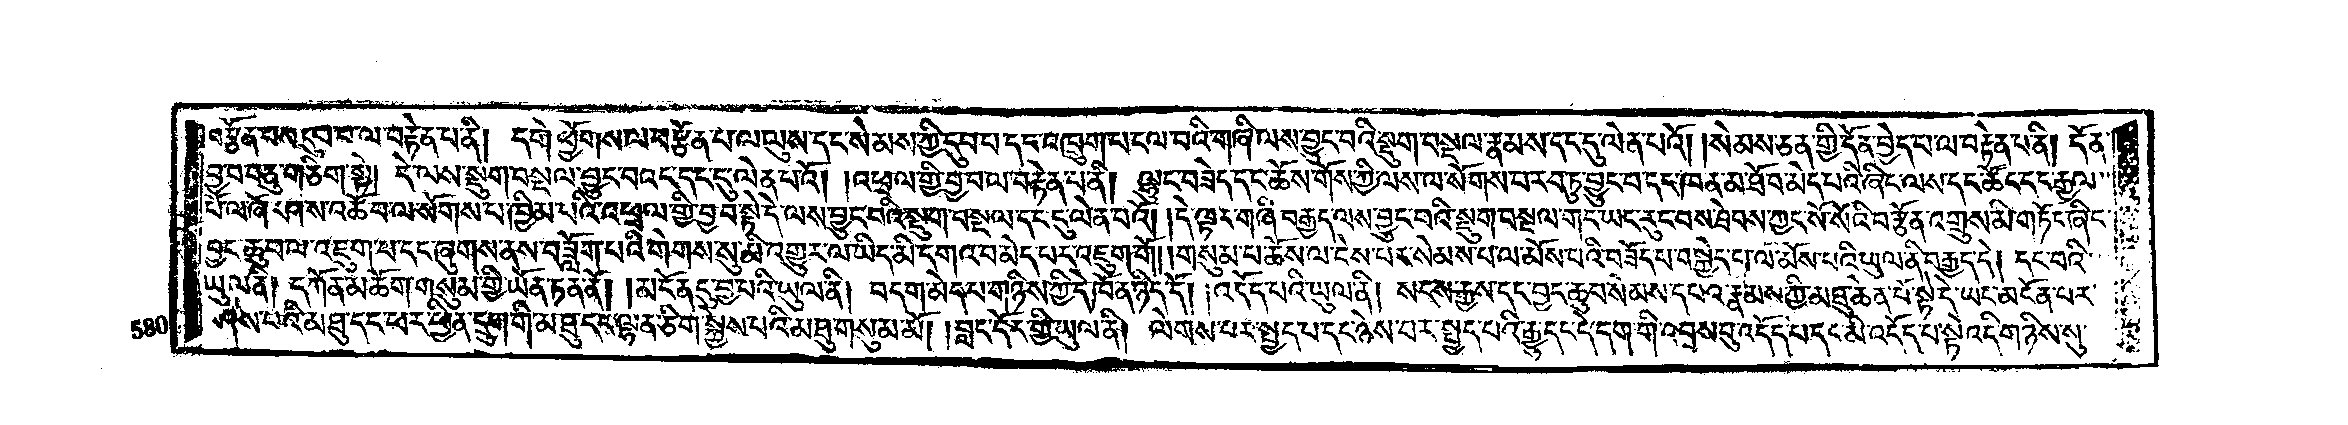བརྩོན་པས་དུབ་པ་ལ་བརྟེན་པ་ནི། དགེ་ཕྱོགས་ལ་བརྩོན་པ་ལ་ལུས་དང་སེམས་ཀྱི་དུབ་པ་དང་འཁྲུག་པ་ངལ་བའི་གཞི་ལས་བྱུང་བའི་སྡུག་བསྔལ་རྣམས་དང་དུ་ལེན་པའོ། །སེམས་ཅན་གྱི་དོན་བྱེད་པ་ལ་བརྟེན་པ་ནི། དོན་
བྱ་བ་བཅུ་གཅིག་སྟེ། དེ་ལས་སྡུག་བསྔལ་བྱུང་བའང་དང་དུ་ལེན་པའོ། །འཕྲལ་གྱི་བྱ་བ་ལ་བརྟེན་པ་ནི། ལྷུང་བཟེད་དང་ཆོས་གོས་ཀྱི་ལས་ལ་སོགས་པ་རབ་ཏུ་བྱུང་བ་དང་ཁ་ན་མ་ཐོ་བ་མེད་པའི་ཞིང་ལས་དང་ཚོང་དང་རྒྱལ་
པོ་ལ་ཞོ་ཤས་འཚོ་བ་ལ་སོགས་པ་ཁྱིམ་པའི་འཕྲལ་གྱི་བྱ་བ་སྟེ་དེ་ལས་བྱུང་བའི་སྡུག་བསྔལ་དང་དུ་ལེན་པའོ། །དེ་ལྟར་གཞི་བརྒྱད་ལས་བྱུང་བའི་སྡུག་བསྔལ་གང་ཡང་རུང་བས་ཐེབས་ཀྱང་སོ་སོའི་བརྩོན་འགྲུས་མི་གཏོང་ཞིང་
བྱང་ཆུབ་ལ་འཇུག་པ་དང་ཞུགས་ནས་བཟློག་པའི་གེགས་སུ་མི་འགྱུར་ལ་ཡིད་མི་དགའ་བ་མེད་པར་འཇུག་གོ། །གསུམ་པ་ཆོས་ལ་ངེས་པར་སེམས་པ་ལ་མོས་པའི་བཟོད་པ་བསྐྱེད་པ་ལ་མོས་པའི་ཡུལ་ནི་བརྒྱད་དེ། དང་བའི་
ཡུལ་ནི། དཀོན་མཆོག་གསུམ་གྱི་ཡོན་ཏན་ནོ། །མངོན་དུ་བྱ་བའི་ཡུལ་ནི། བདག་མེད་པ་གཉིས་ཀྱི་དེ་ཁོ་ན་ཉིད་དོ། །འདེད་པའི་ཡུལ་ནི། སངས་རྒྱས་དང་བྱང་ཆུབ་སེམས་དཔའ་རྣམས་ཀྱི་མཐུ་ཆེན་པོ་སྟེ་དེ་ཡང་མངོན་པར་
ཤེས་པའི་མཐུ་དང་ཕར་ཕྱིན་དྲུག་གི་མཐུ་དང་ལྷན་ཅིག་སྐྱེས་པའི་མཐུ་གསུམ་མོ། །བླང་དོར་གྱི་ཡུལ་ནི། ལེགས་པར་སྤྱད་པ་དང་ཉེས་པར་སྤྱད་པའི་རྒྱུ་དང་དེ་དག་གི་འབྲས་བུ་འདོད་པ་དང་མི་འདོད་པ་སྟེ་འདི་གཉིས་སུ་